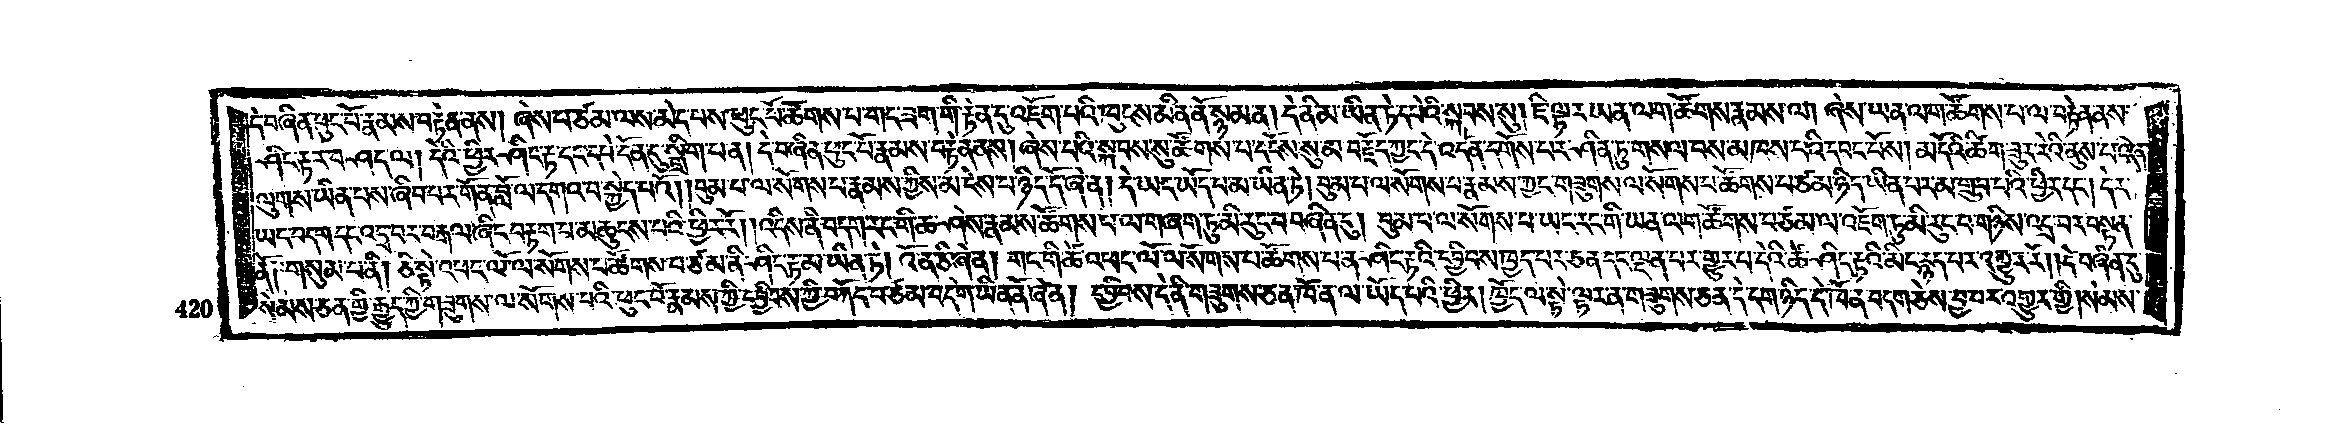དེ་བཞིན་ཕུང་པོ་རྣམས་བརྟེན་ནས། ཞེས་པ་ཙམ་ལས་མེད་པས་ཕུང་པོ་ཚོགས་པ་གང་ཟག་གི་རྟེན་དུ་འཇོག་པའི་ཁུངས་མིན་ནོ་སྙམ་ན། དེ་ནི་མ་ཡིན་ཏེ་དཔེའི་སྐབས་སུ། ཇི་ལྟར་ཡན་ལག་ཚོགས་རྣམས་ལ། ཞེས་ཡན་ལག་ཚོགས་པ་ལ་བརྟེན་ནས་
ཤིང་རྟར་བཤད་ལ། དེའི་ཕྱིར་ཤིང་རྟ་དང་དཔེ་དོན་དུ་སྒྲིག་པ་ན། དེ་བཞིན་ཕུང་པོ་རྣམས་བརྟེན་ནས། ཞེས་པའི་སྐབས་སུ་ཚོགས་པ་དངོས་སུ་མ་བརྗོད་ཀྱང་དེ་འདོན་དགོས་པར་ཤིན་ཏུ་གསལ་བས་མཁས་པའི་དབང་པོས། མདོའི་ཚིག་ཟུར་རེའི་ནུས་པ་འདོན་
ལུགས་ཡིན་པས་ཞིབ་པར་གོ་ན་བློ་ལ་དགའ་བ་བསྐྱེད་པའོ། །བུམ་པ་ལ་སོགས་པ་རྣམས་ཀྱིས་མ་ངེས་པ་ཉིད་དོ་ཞེ་ན། དེ་ཡང་ཡོད་པ་མ་ཡིན་ཏེ། བུམ་པ་ལ་སོགས་པ་རྣམས་ཀྱང་གཟུགས་ལ་སོགས་པ་ཚོགས་པ་ཙམ་ཉིད་ཡིན་པར་མ་གྲུབ་པའི་ཕྱིར་དང་། དེར་
ཡང་བདག་དང་འདྲ་བར་བརྒལ་ཞིང་བརྟག་པ་མཚུངས་པའི་ཕྱིར་རོ། །འདིས་ནི་བདག་རང་གི་ཆ་ཤས་རྣམས་ཚོགས་པ་ལ་གཞག་ཏུ་མི་རུང་བ་བཞིན་དུ། བུམ་པ་ལ་སོགས་པ་ཡང་རང་གི་ཡན་ལག་ཚོགས་པ་ཙམ་ལ་འཇོག་ཏུ་མི་རུང་བ་གཉིས་འདྲ་བར་བསྟན་
ནོ། །གསུམ་པ་ནི། ཅི་སྟེ་འཕང་ལོ་ལ་སོགས་པ་ཚོགས་པ་ཙམ་ནི་ཤིང་རྟ་མ་ཡིན་ཏེ། འོ་ན་ཅི་ཞེ་ན། གང་གི་ཚེ་འཕང་ལོ་ལ་སོགས་པ་ཚོགས་པ་ན་ཤིང་རྟའི་དབྱིབས་ཁྱད་པར་ཅན་དང་ལྡན་པར་གྱུར་པ་དེའི་ཚེ་ཤིང་རྟའི་མིང་རྙེད་པར་འགྱུར་རོ། །དེ་བཞིན་དུ་
སེམས་ཅན་གྱི་རྒྱུད་ཀྱི་གཟུགས་ལ་སོགས་པའི་ཕུང་པོ་རྣམས་ཀྱི་དབྱིབས་ཀྱི་བཀོད་པ་ཙམ་བདག་ཡིན་ནོ་ཞེ་ན། དབྱིབས་དེ་ནི་གཟུགས་ཅན་ཁོ་ན་ལ་ཡོད་པའི་ཕྱིར། ཁྱོད་ལ་ཕྱེ་སྟེ་ལྟར་ན་གཟུགས་ཅན་དེ་དག་ཉིད་དེ་ཁོ་ན་བདག་ཅེས་བྱ་པར་འགྱུར་གྱི། སེམས་